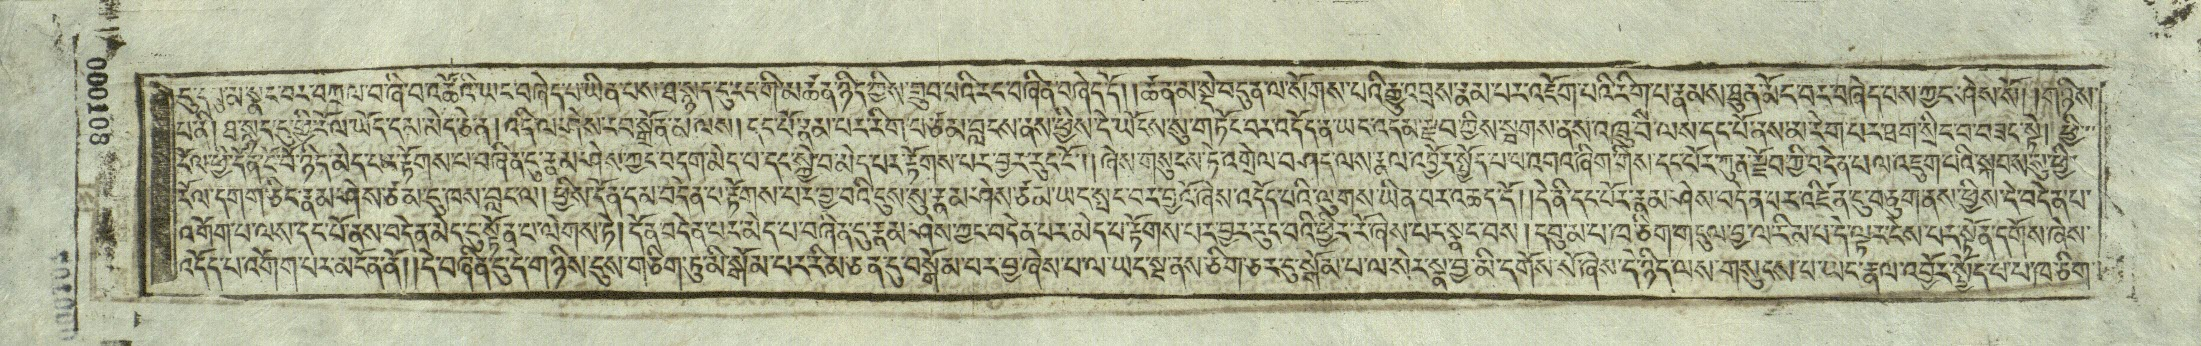དུ་དབུ་མ་སྣང་བར་བཀྲལ་བ་ཞི་བ་འཚོའི་ཡང་བཞེད་པ་ཡིན་པས་ཐ་སྙད་དུ་རང་གི་མཚན་ཉིད་ཀྱིས་གྲུབ་པའི་རང་བཞིན་བཞེད་དོ། །ཚན་མ་སྡེ་བདུན་ལ་སོགས་པའི་རྒྱུ་འབྲས་རྣམ་པར་འཇོག་པའི་རིག་པ་རྣམས་ཐུན་མོང་བར་བཞེད་པས་ཀྱང་ཤེས་སོ། །གཉིས་
པ་ནི། ཐ་སྙད་དུ་ཕྱི་རོལ་ཡོད་དམ་མེད་ཅེ་ན། འདི་ལ་ཤེས་རབ་སྒྲོན་མ་ལས། དང་པོ་རྣམ་པར་རིག་པ་ཙམ་བླངས་ནས་ཕྱིས་དེ་ཡོངས་སུ་གཏོང་བར་འདོད་ན་ཡང་འདམ་རྫབ་ཀྱིས་སྦགས་ནས་འཁྲུ་བ་ལས་དང་པོ་ནས་མ་རེག་པར་ཐག་སྲིང་བ་བཟང་སྟེ། ཕྱི་
རོལ་གྱི་དོན་ངོ་བོ་ཉིད་མེད་པར་རྟོགས་པ་བཞིན་དུ་རྣམ་ཤེས་ཀྱང་བདག་མེད་པ་དང་སྐྱེ་བ་མེད་པར་རྟོགས་པར་བྱར་རུང་ངོ། །ཞེས་གསུངས་ཏེ་འགྲེལ་བཤད་ལས་རྣལ་འབྱོར་སྤྱོད་པ་པ་འགའ་ཞིག་གིས་དང་པོར་ཀུན་རྫོབ་ཀྱི་བདེན་པ་ལ་འཇུག་པའི་སྐབས་སུ་ཕྱི་
རོལ་དགག་ཅིང་རྣམ་ཤེས་ཙམ་དུ་ཁས་བླང་ལ། ཕྱིས་དོན་དམ་བདེན་པ་རྟོགས་པར་བྱ་བའི་དུས་སུ་རྣམ་ཤེས་ཙམ་ཡང་སྤང་བར་བྱའོ་ཞེས་འདོད་པའི་ལུགས་ཡིན་པར་འཆད་དོ། །དེ་ནི་དང་པོར་རྣམ་ཤེས་བདེན་པར་འཛིན་དུ་བཅུག་ནས་ཕྱིས་དེ་བདེན་པ་
འགོག་པ་ལས་དང་པོ་ནས་བདེན་མེད་དུ་སྟོན་པ་ལགས་ཏེ། དོན་བདེན་པར་མེད་པ་བཞིན་དུ་རྣམ་ཤེས་ཀྱང་བདེན་པར་མེད་པ་རྟོགས་པར་བྱར་རུང་བའི་ཕྱིར་རོ་ཞེས་པར་སྣང་བས། དབུ་མ་པ་ཁ་ཅིག་གདུལ་བྱ་ལ་རིམ་པ་དེ་ལྟར་ངེས་པར་སྟོན་དགོས་ཞེས་
འདོད་པ་འགོག་པར་མངོན་ནོ། །དེ་བཞིན་དུ་དེ་གཉིས་དུས་གཅིག་ཏུ་མི་སྒོམ་པར་རིམ་ཅན་དུ་བསྒོམ་པར་བྱ་ཞེས་པ་ལ་ཡང་སྔ་ནས་ཅིག་ཅར་དུ་སྒོམ་པ་ལ་སེར་སྣ་བྱ་མི་དགོས་སོ་ཞེས་དེ་ཉིད་ལས་གསུངས་པ་ཡང་རྣལ་འབྱོར་སྤྱོད་པ་པ་ཁ་ཅིག་